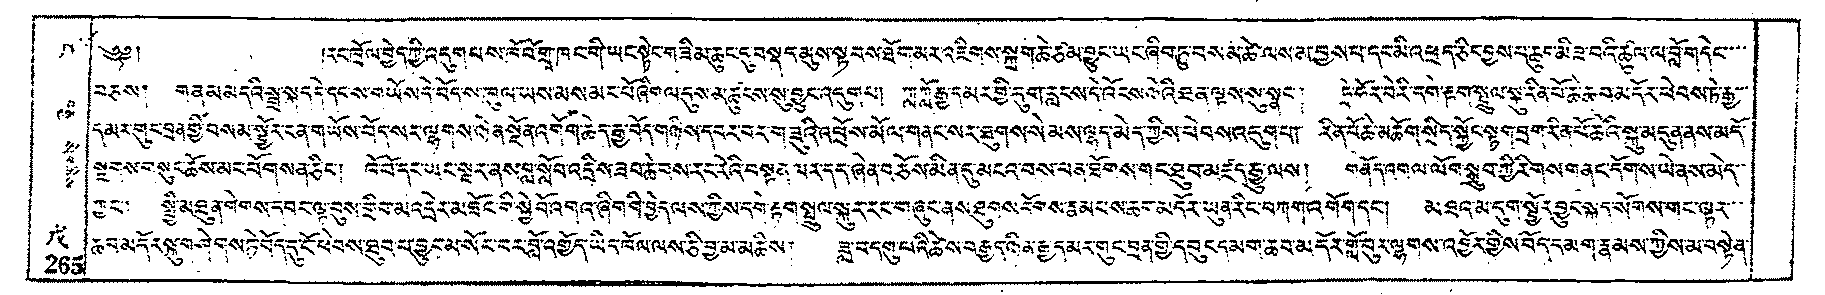༄༅། །རང་ཁྲོལ་བྱེད་ཀྱི་འདུག་པས་ཁོ་བོ་གྲྭ་ཁང་གི་ཡང་སྟེང་གཟིམ་ཆུང་དུ་བསྡད་མུས་སྟབས་ཐོག་མར་འཇིགས་སྐྲག་ཆེ་ཙམ་བྱུང་ཡང་ཞིབ་ཏུ་བསམ་ཚེ་ལས་མ་བྱས་པ་དང་མི་འཕྲད་ཅིང་བྱས་པ་ཆུད་མི་ཟ་བའི་ཚུལ་ལ་བློ་གདེང་
བཅས། གནམ་མདའི་སྒྲ་སྐད་དེ་དང་ས་གཡོས་དེ་བོད་ས་ཁུལ་ཡས་མས་མང་པོ་ཞིག་ལ་དུས་མཚུངས་སུ་བྱུང་འདུག་པ། ཀླ་ཀློ་རྒྱ་དམར་གྱི་དུག་རླངས་དེ་འོངས་ཉེའི་ཐན་ལྟས་སུ་སྣང་། ཏྲེ་ཧོར་བེ་རི་དགེ་རྟག་སྤྲུལ་སྐུ་རིན་པོ་ཆེ་ཆབ་མདོར་ཕེབས་ཏེ་རྒྱ་
དམར་གུང་བྲན་གྱི་བསམ་སྦྱོར་ངན་གཡོས་བོད་སར་ལྷགས་ཉེན་སྔོན་འགོག་ཆེད་རྒྱ་བོད་གཉིས་དབར་བར་གཟུའི་འཕྲོས་མོལ་གནང་སར་ཐུགས་སེམས་ལྷད་མེད་ཀྱིས་ཕེབས་འདུག་པ། རིན་པོ་ཆེ་མཆོག་སྲིད་སྐྱོང་སྟག་བྲག་རིན་པོ་ཆེའི་སྐུ་མདུན་ནས་མདོ་
སྔགས་གསུང་ཆོས་མང་པོ་གསན་ཅིང་། ཁོ་བོ་དང་ཡང་སྔར་ནས་བླ་སློབ་འདྲིས་ཟབ་ཆེ་བས་རང་རེའི་བསྟན་ལར་དད་ཞེན་བཅོས་མིན་དུ་མངའ་བས་ཕན་ཐོགས་གང་ཐུབ་མཛད་རྒྱུ་ལས། གནོད་འགལ་ལོག་སྒྲུབ་ཀྱི་རིགས་གནང་དོགས་ཡེ་ནས་མེད་
ཀྱང་། སྤྱི་མཐུན་གེགས་དབང་ལྟ་བུས་གྲིབ་མ་འདྲེར་མཐོང་གི་སྐྱེ་བོ་འགའ་ཞིག་གི་བྱེད་ལས་ཀྱིས་དགེ་རྟག་སྤྲུལ་སྐུར་རང་གཞུང་ནས་ཐུགས་དོགས་རྣམ་པས་ཆབ་མདོར་ཡུན་རིང་བཀག་འགོག་དང་། མཐའ་མ་དུག་སྦྱོར་བྱུང་སྐད་སོགས་གང་ལྟར་
ཆབ་མདོར་སྐུ་གཤེགས་ཏེ་བོད་དུ་ངོ་ཕེབས་ཐུབ་པ་བྱུང་མ་སོང་བར་བློ་འགྱོད་ཡིད་ཁོལ་ལས་ཅི་བྱ་མ་མཆིས། ཟླ་བ་དགུ་པའི་ཚེས་བརྒྱད་ཉིན་རྒྱ་དམར་གུང་བྲན་གྱི་དབུང་དམག་ཆབ་མདོར་གློ་བུར་ལྷགས་འབྱོར་གྱིས་བོད་དམག་རྣམས་ཀྱིས་མ་བསྟེན་